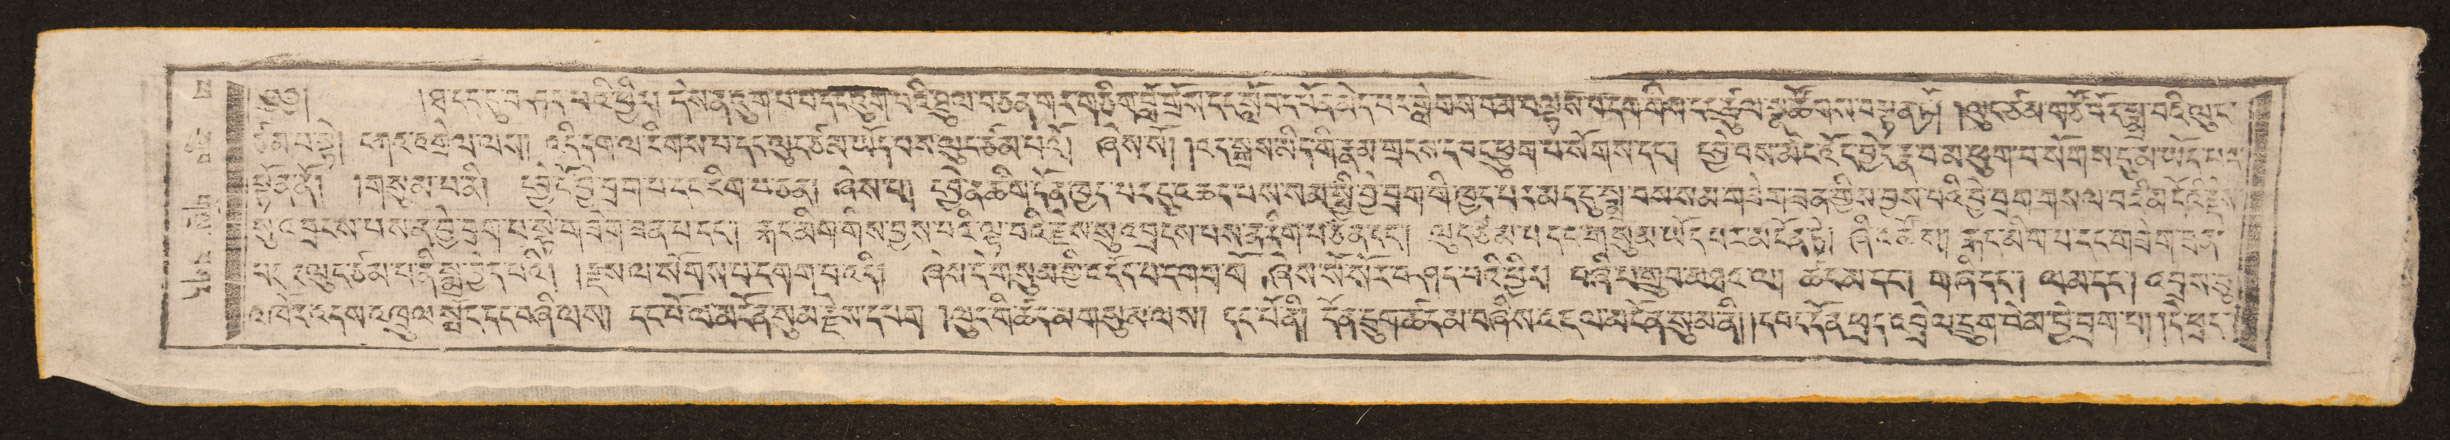༄༅། །ཐ་དང་དུ་བཤད་པའི་ཕྱིར། །དེས་ན་འུག་པ་པ་དང་འུག་པའི་ཐུལ་བཅན་གར་གཅིག་བློ་གྲོས་དང་སློབ་དཔོན་མེད་པར་གླེགས་བམ་བལྟ་མ་བ་དག་གིས་ངང་ཚུལ་སྣ་ཚོགས་བསྟན་ཏོ། །ལུང་ཙམ་གཙོ་བོར་སྨྲ་བའི་ལུང་
ཙམ་པ་སྟེ། །དཀའ་འགྲེལ་ལས། །འདི་དག་ལ་རིགས་པ་དང་ལུང་ཙམ་ཡོད་པས་ཡུང་ཙམ་པའོ། །ཞེས་སོ། །འང་སྐྲས་མིང་གི་རྣམ་གྲངས་དབང་ཕྱུག་པ་སོགས་དང་། །དབྱེ་བས་མིང་འོད་བྱེད་རྣ་བ་མ་ཕུག་པ་སོགས་དུ་མ་ཡོད་པར་
སྟོན་ནོ། །གསུམ་པ་ནི། །དབྱེ་རོ་བྱེ་བྲག་པ་དང་རིག་པ་ཅན། །ཞེས་པ། དབྱེ་ན་ཚིག་དོན་ཁྱད་པར་དུ་འཆད་པས་སམ་སྤྱི་བྱེ་བྲག་གི་ཁྱད་པར་མང་དུ་སྨྲ་བས་སམ་གཟེག་ཟན་གྱིས་བྱས་པའི་བྱེ་བྲག་གསལ་བའི་མདོའི་རྗེས་
སུ་འབྲངས་པས་ན་བྱེ་བྲག་པ་སྟེ་གཟིག་ཟན་པ་དང་། །རྐང་མིག་གིས་བྱས་པའི་ལྟ་བའི་རྗེས་སུ་འབྲངས་པས་ན་རིག་པ་ཅན་དང་། །ལུང་ཙམ་པ་དང་གསུམ་ཡོད་པར་མངོན་ཏེ། །ཞི་འཚོས། །རྐང་མིག་པ་དང་གཟེག་ཟན་
པ༑ ༑ལུང་ཙམ་པ་ནི་སྨ་བྱེད་པའི། །རྫས་ལ་སོགས་པ་དགག་པ་འདི། །ཞེས་དེ་གསུམ་གྱི་འདོད་པ་དགག་གོ །ཞེས་སོ་སོར་བཤད་པའི་ཕྱིར། །བཞི་བ་གྲུབ་མཐའ་ལ། །ཚད་མ་དང་། །གཞི་དང་། །ལམ་དང་། འབྲས་བུ་
འཁོར་འདས་འཁྲུལ་སྤོང་དང་བཞི་ལས། །དང་པོ་ལ་མངོན་སུམ་རྗེས་དཔག །ལུང་གི་ཚད་མ་གསུམ་ལས། །དང་པོ་ནི། །དོན་དྲུག་ཚང་མ་བཞིས་འཇལ་མངོན་སུམ་ནི། །དབང་དོན་ཕྲད་འབྲེལ་དྲུག་བེམ་བྱེ་བྲག་པ། །དེ་ཕྲད་